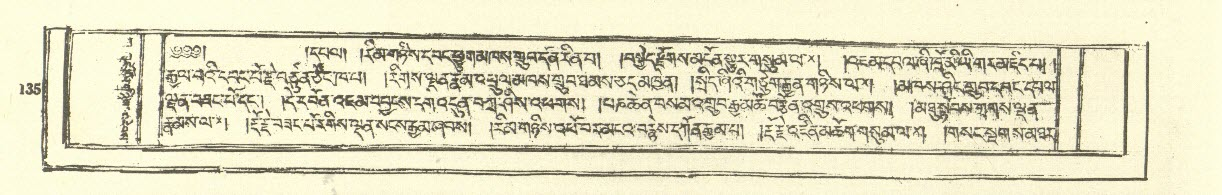༄༅༅། །དཔལ། །རིམ་གཉིས་དབང་ཕྱུག་མཁས་གྲུབ་དོན་རིན་པ། །བསྐྱེད་རྫོགས་མངོན་གྱུར་གསུམ་ལ་྾། །འཇམ་དཔལ་ཞི་ཁྲོ་མི་ཡི་གར་མཛད་པ། །
རྒྱལ་བའི་དབང་པོ་རྗེ་བཙུན་ཙོང་ཁ་པ། །རིགས་ལྡན་རྣམ་འཕྲུལ་མཁས་གྲུབ་ཐམས་ཅད་མཁྱེན། །སྲིད་ཞིའི་གཙུག་རྒྱན་གཉིས་ལ་྾། །མཁྲས་ཤིང་གྲུབ་དབང་དཔལ་
ལྡན་བཟང་པོ་དང་། །དེ་དབོན་འཇམ་དབྱངས་དགེ་འདུན་བཀྲ་ཤིས་འཕགས། །པཎ་ཆེན་བསམ་འགྲུབ་རྒྱ་མཚོ་བརྩོན་འགྲུས་འཕགས། །མཐུ་སྟོབས་གྲགས་ལྡན་
རྣམས་ལ་྾། །རྡོ་རྗེ་བཟང་པོར་གིས་ལྡན་སངས་རྒྱམ་ཞབས། །རིམ་གཉིས་འཕོ་བར་མངའ་བརྙེས་དཀོན་རྒྱམ་པ། །རྡོ་རྗེ་འཛིན་མཆོག་གསུམ་ལ་྾། །གསང་སྔགས་མཐར་